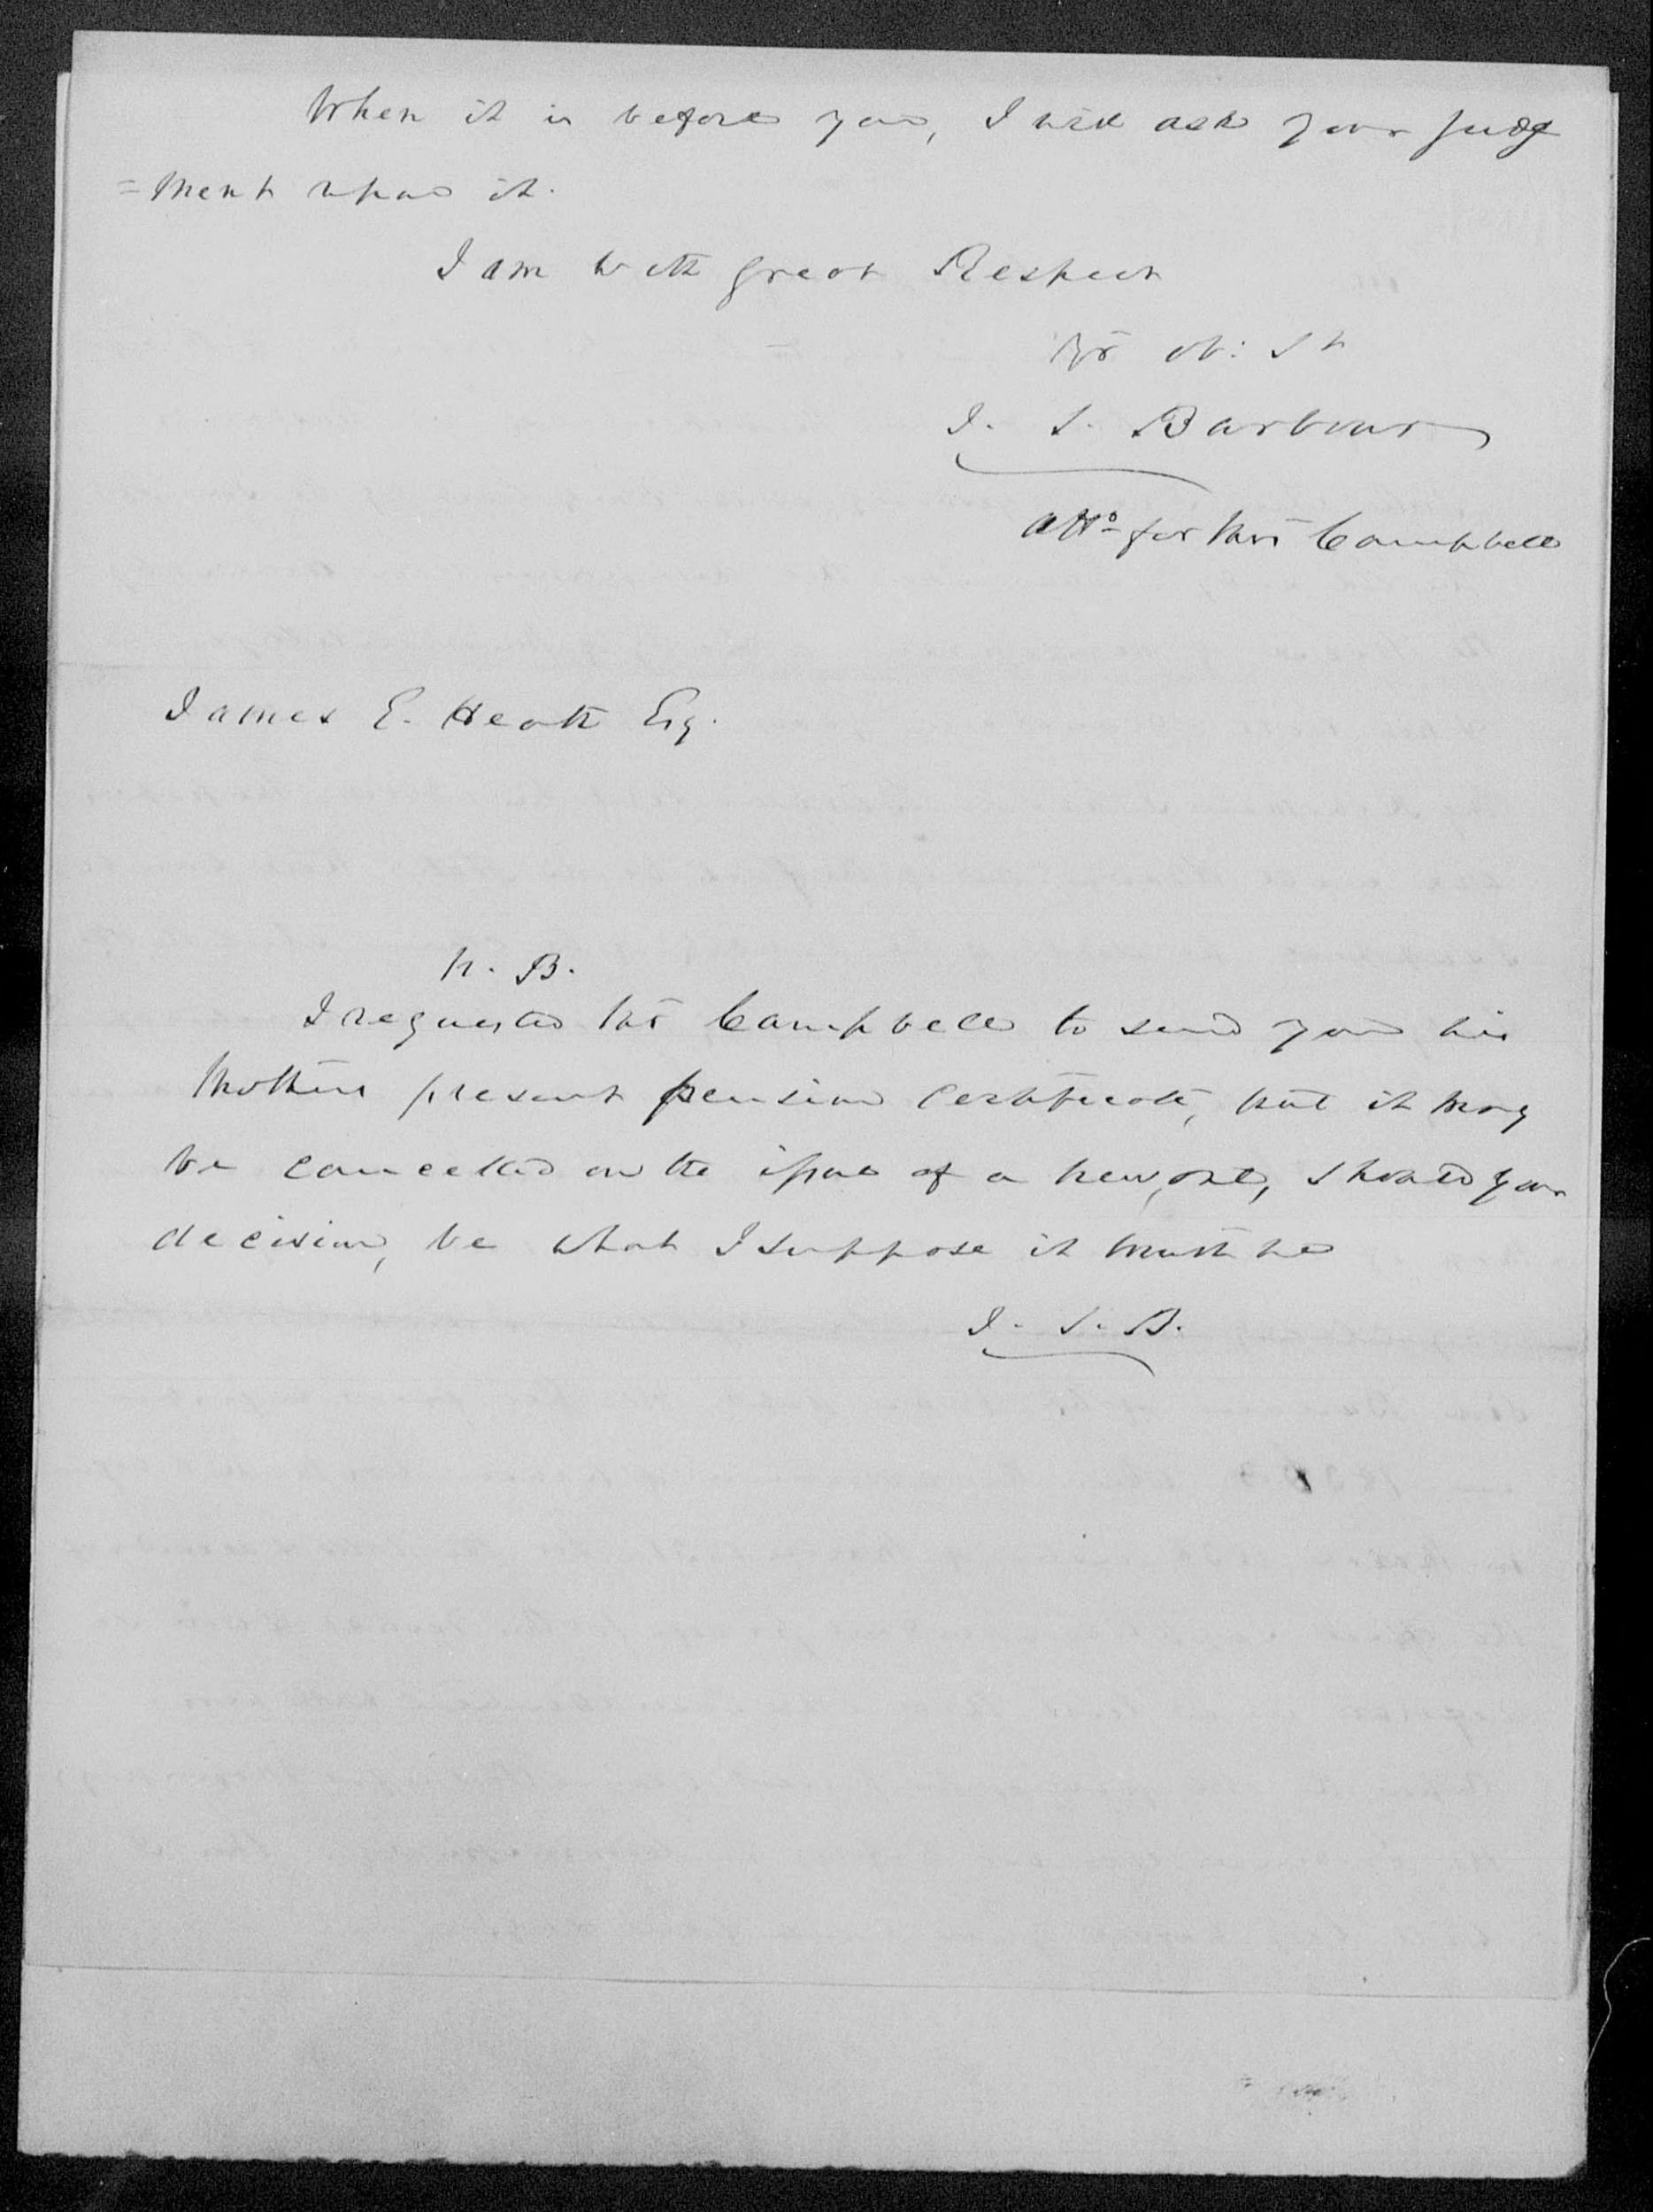When it is before you, I will ask your judgement upon it.
I am with great Respect
Yr. Ob. St.
J.S. Barbour
Atty for Mrs. Campbell

James E. Heath Esq.


N.B.
I request Mr. Campbell to send you his mother's present pension certificate, but it may be cancelled on the issue of a new one,  I [illegible] your decision, be what I suppose it must be.
J.S.B.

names: James E Heath, Campbell, J S Barbour, Campbell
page: 203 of 267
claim: widow's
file: W. 4,149, William Campbell, Va.